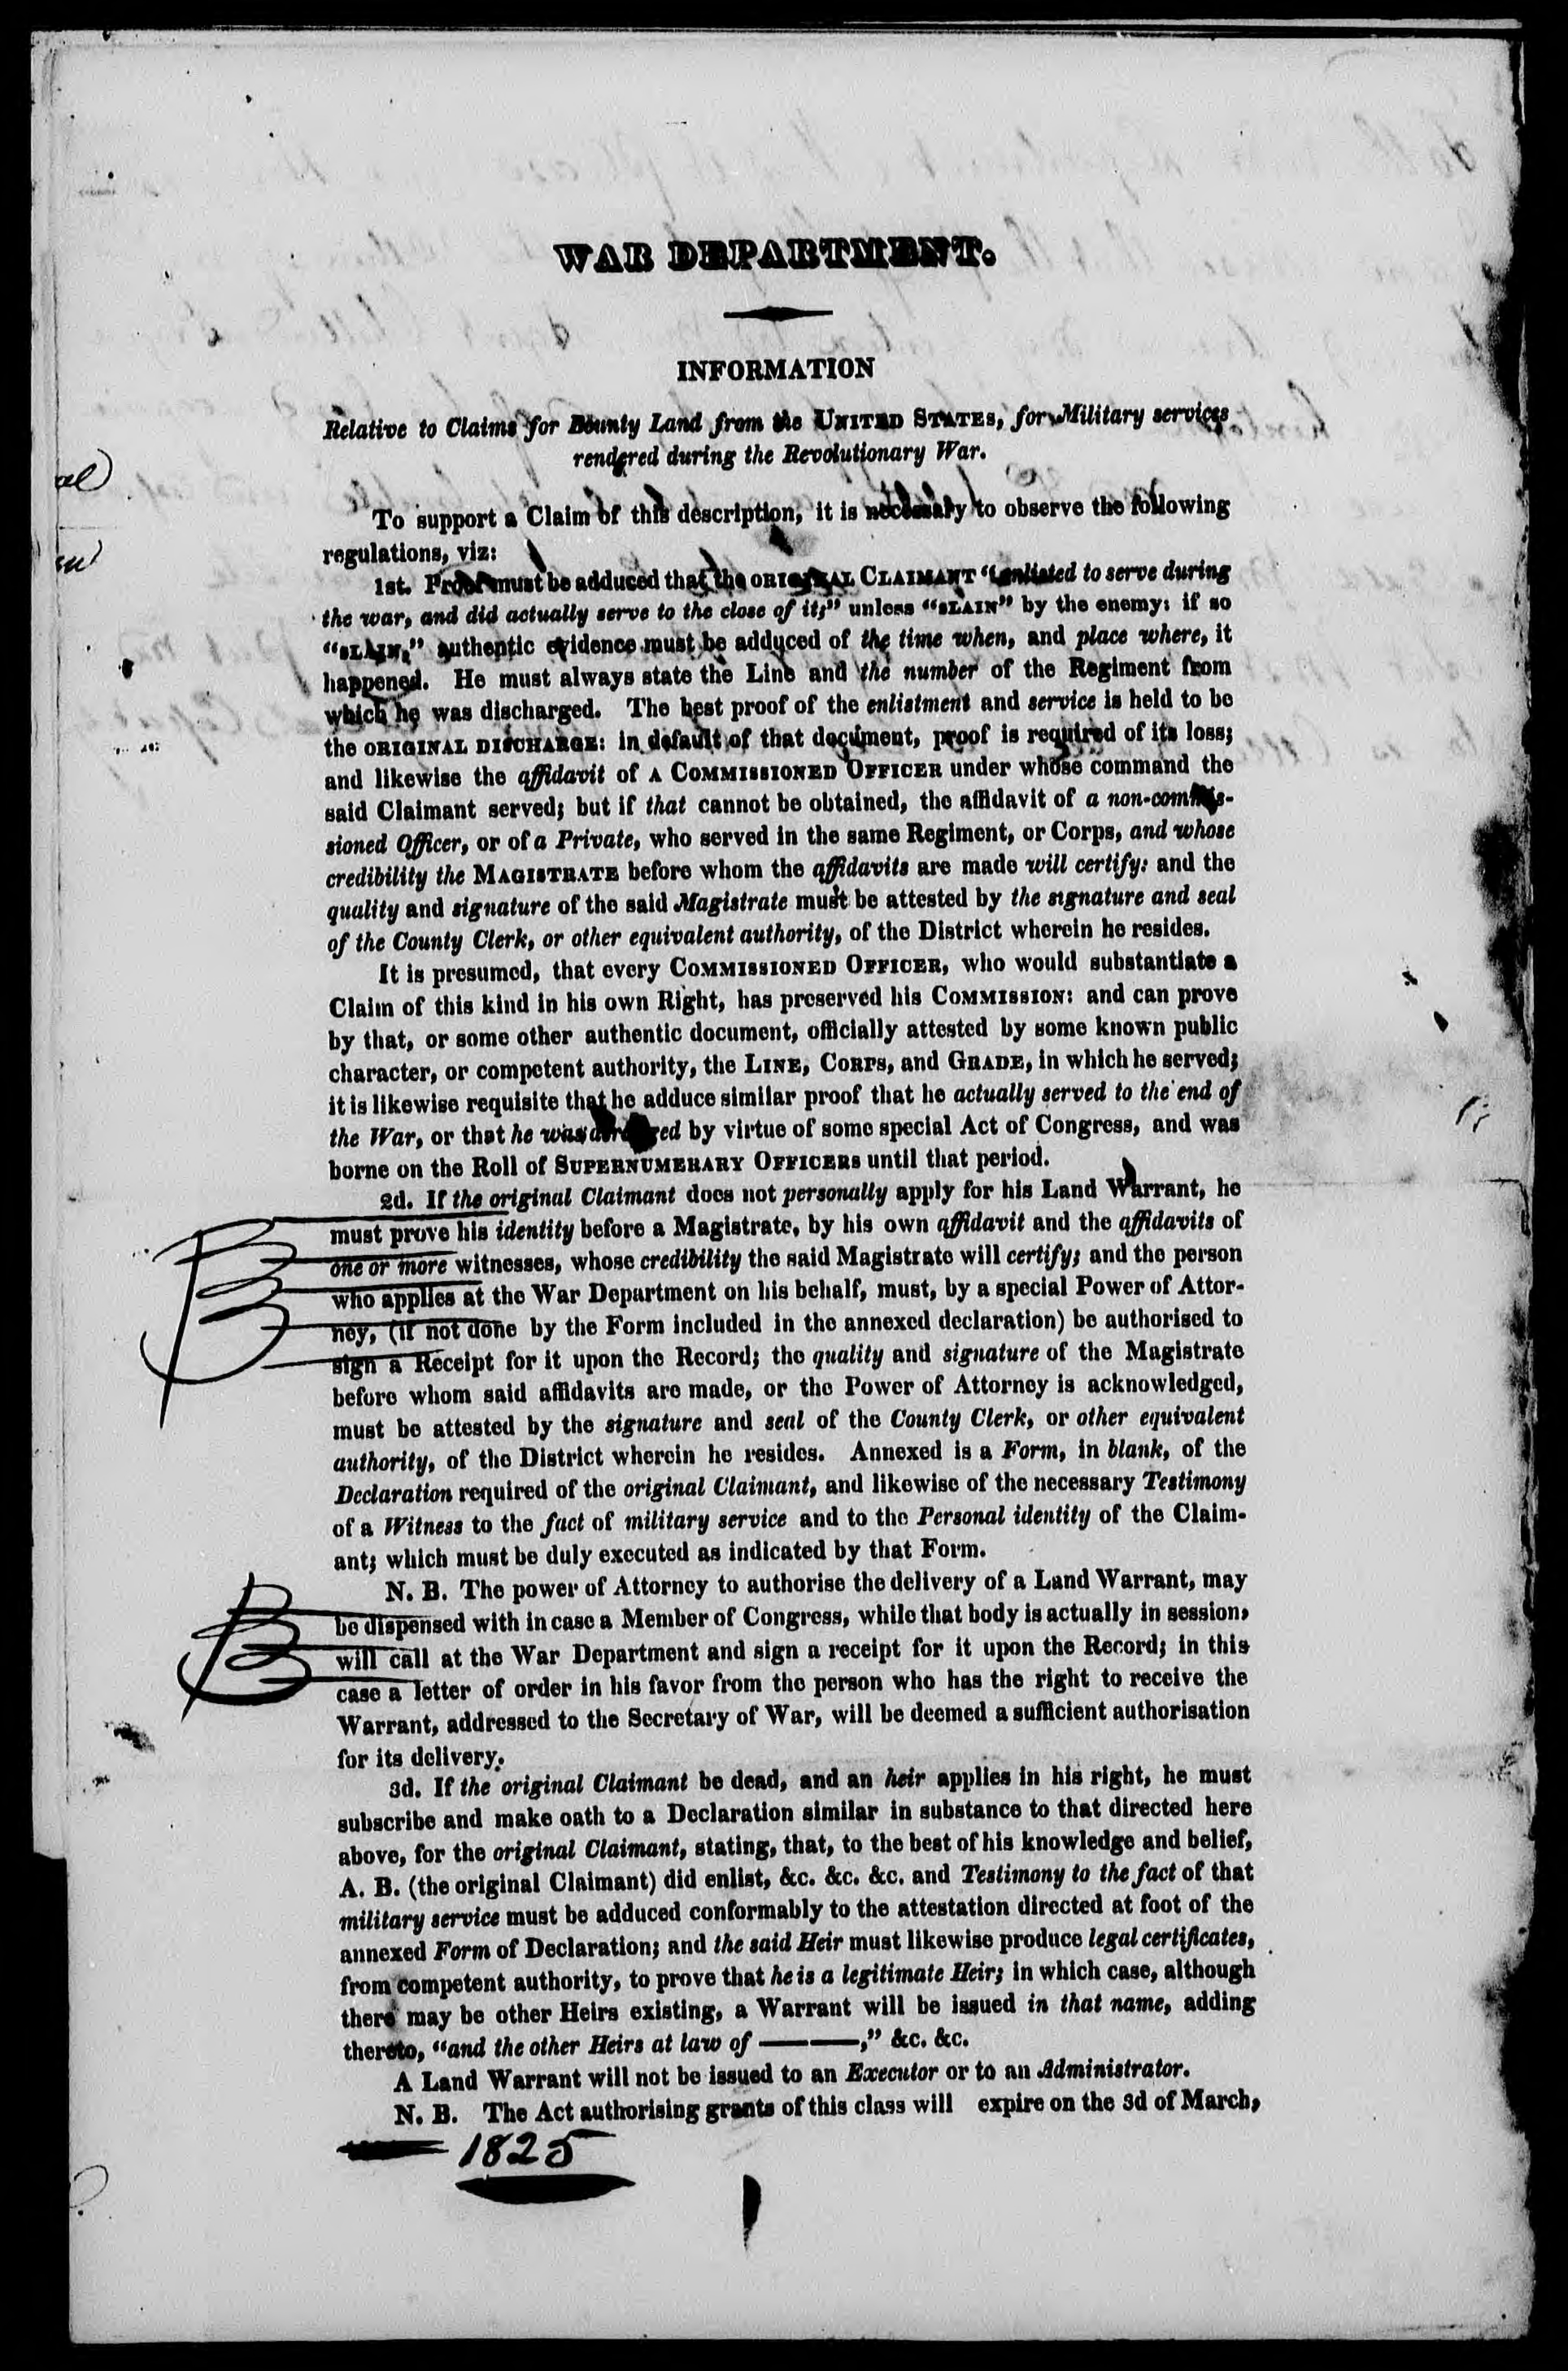WAR DEPARTMENT.
INFORMATION
Relative to claims for Bounty Land from the UNITED STATES, for Military services rendered during the Revolutionary War.
To support a Claim of this description, it is necessary to observe the following regulations, viz:
1st.  [illegible] must be adduced that the original claimant enlisted to service during 
the War, and did actually serve to the close of it unless "slain" by the enemy: if so "slain"
authentic evidence must be adduced of the time when, and place where, it
happened. He must always state the line and the number of the Regiment from
which he was discharged. The best proof of the enlistment and service is held to be
the ORIGINAL DISCHARGE: in default of that document, proof is required of its loss;
and likewise the affidavit of A COMMISSIONED OFFICER Under whose command the
said Claimant served; but if that cannot be obtained, the affidavit of a non-commissioned 
officer, or of a Private, who served in the same Regiment, or Corps, and whose
Credibility the MAGISTRATE before whom the affidavits are made will certify: and the
quality and signature of the said Magistrate must be attested by the signature and seal
of the county clerk, or other equivalent authority, of the District wherein he resides.

It is presumed, that every COMMISSIONED OFFICER, who would substantiate a
Claim of this kind in his own right, has preserved his COMMISSION; and can prove
by that, or some other authentic document, officially attested by some known public
character, or competent authority, the LINE, CORPS, and GRADE, in which he served;
it is likewise requisite that he adduce similar proof that he actually served to the end of
the War, or that he was discharged by virtue of some special Act of Congress, and was
borne on the Roll of SUPERNUMERARY OFFICERS until that period.
2d. If the original Claimant does not personally apply for his land warrant, he
must prove his identity before a Magistrate, by his own affidavit and the affidavits of
one or more witnesses, whose credibility the said Magistrate will certify, and the person
who applies at the War Department on his behalf, must, by a special Power of Attorney, (if not done by the Form included in the annexed declaration) be authorised to
sign a Receipt for it upon the Record; the quality and signature of the Magistrate
before whom said affidavits are made, or the Power of Attorney is acknowledged,
must be attested by the signature and seal of the County Clerk, or other equivalent
authority of the District wherein he resides. Annexed is a Form, in blank, of the
Declaration required of the original Claimant, and likewise of the necessary Testimony
of a witness to the fact of military service and to the Personal identity of the Claimant; which must be duly executed as indicated by that form.
N. B. The power of Attorney to authorise the delivery of a Land Warrant, may
be dispensed with in case a Member of Congress, while that body is actually in session,
will call at the War Department and sign a receipt for it upon the Record; in this
case a letter of order in his favor from the person who has the right to receive the
Warrant, addressed to the Secretary of War, will be deemed a sufficient authorisation
for its delivery,
3d. If the original claimant be dead, and an heir applies in his right, he must
subscribe and make oath to a declaration similar in substance to that directed here
above, for the original Claimant, stating, that, to the best of his knowledge and belief,
A. B. (the original Claimant) did enlist, &c. &c. &c. and Testimony to fact of that
military service must be adduced conformably to the attestation directed at foot of the
annexed Form of Declaration; and the said Heir must likewise produce legal certificates,
from Competent authority, to prove that he is a legitimate Heir; in which case, although
there may be other heirs existing, a Warrant will be issued in that name, adding
thereto, "and the other Heirs at law of---" &c. &c.
A Land Warrant will not be issued to an Executor or to an Administrator.
N. B. The Act authorising grants of th[is class will expire on the 3d of March,]
1825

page: 23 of 51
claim: widow's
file: W. 27,409, William Dunnington, Md.